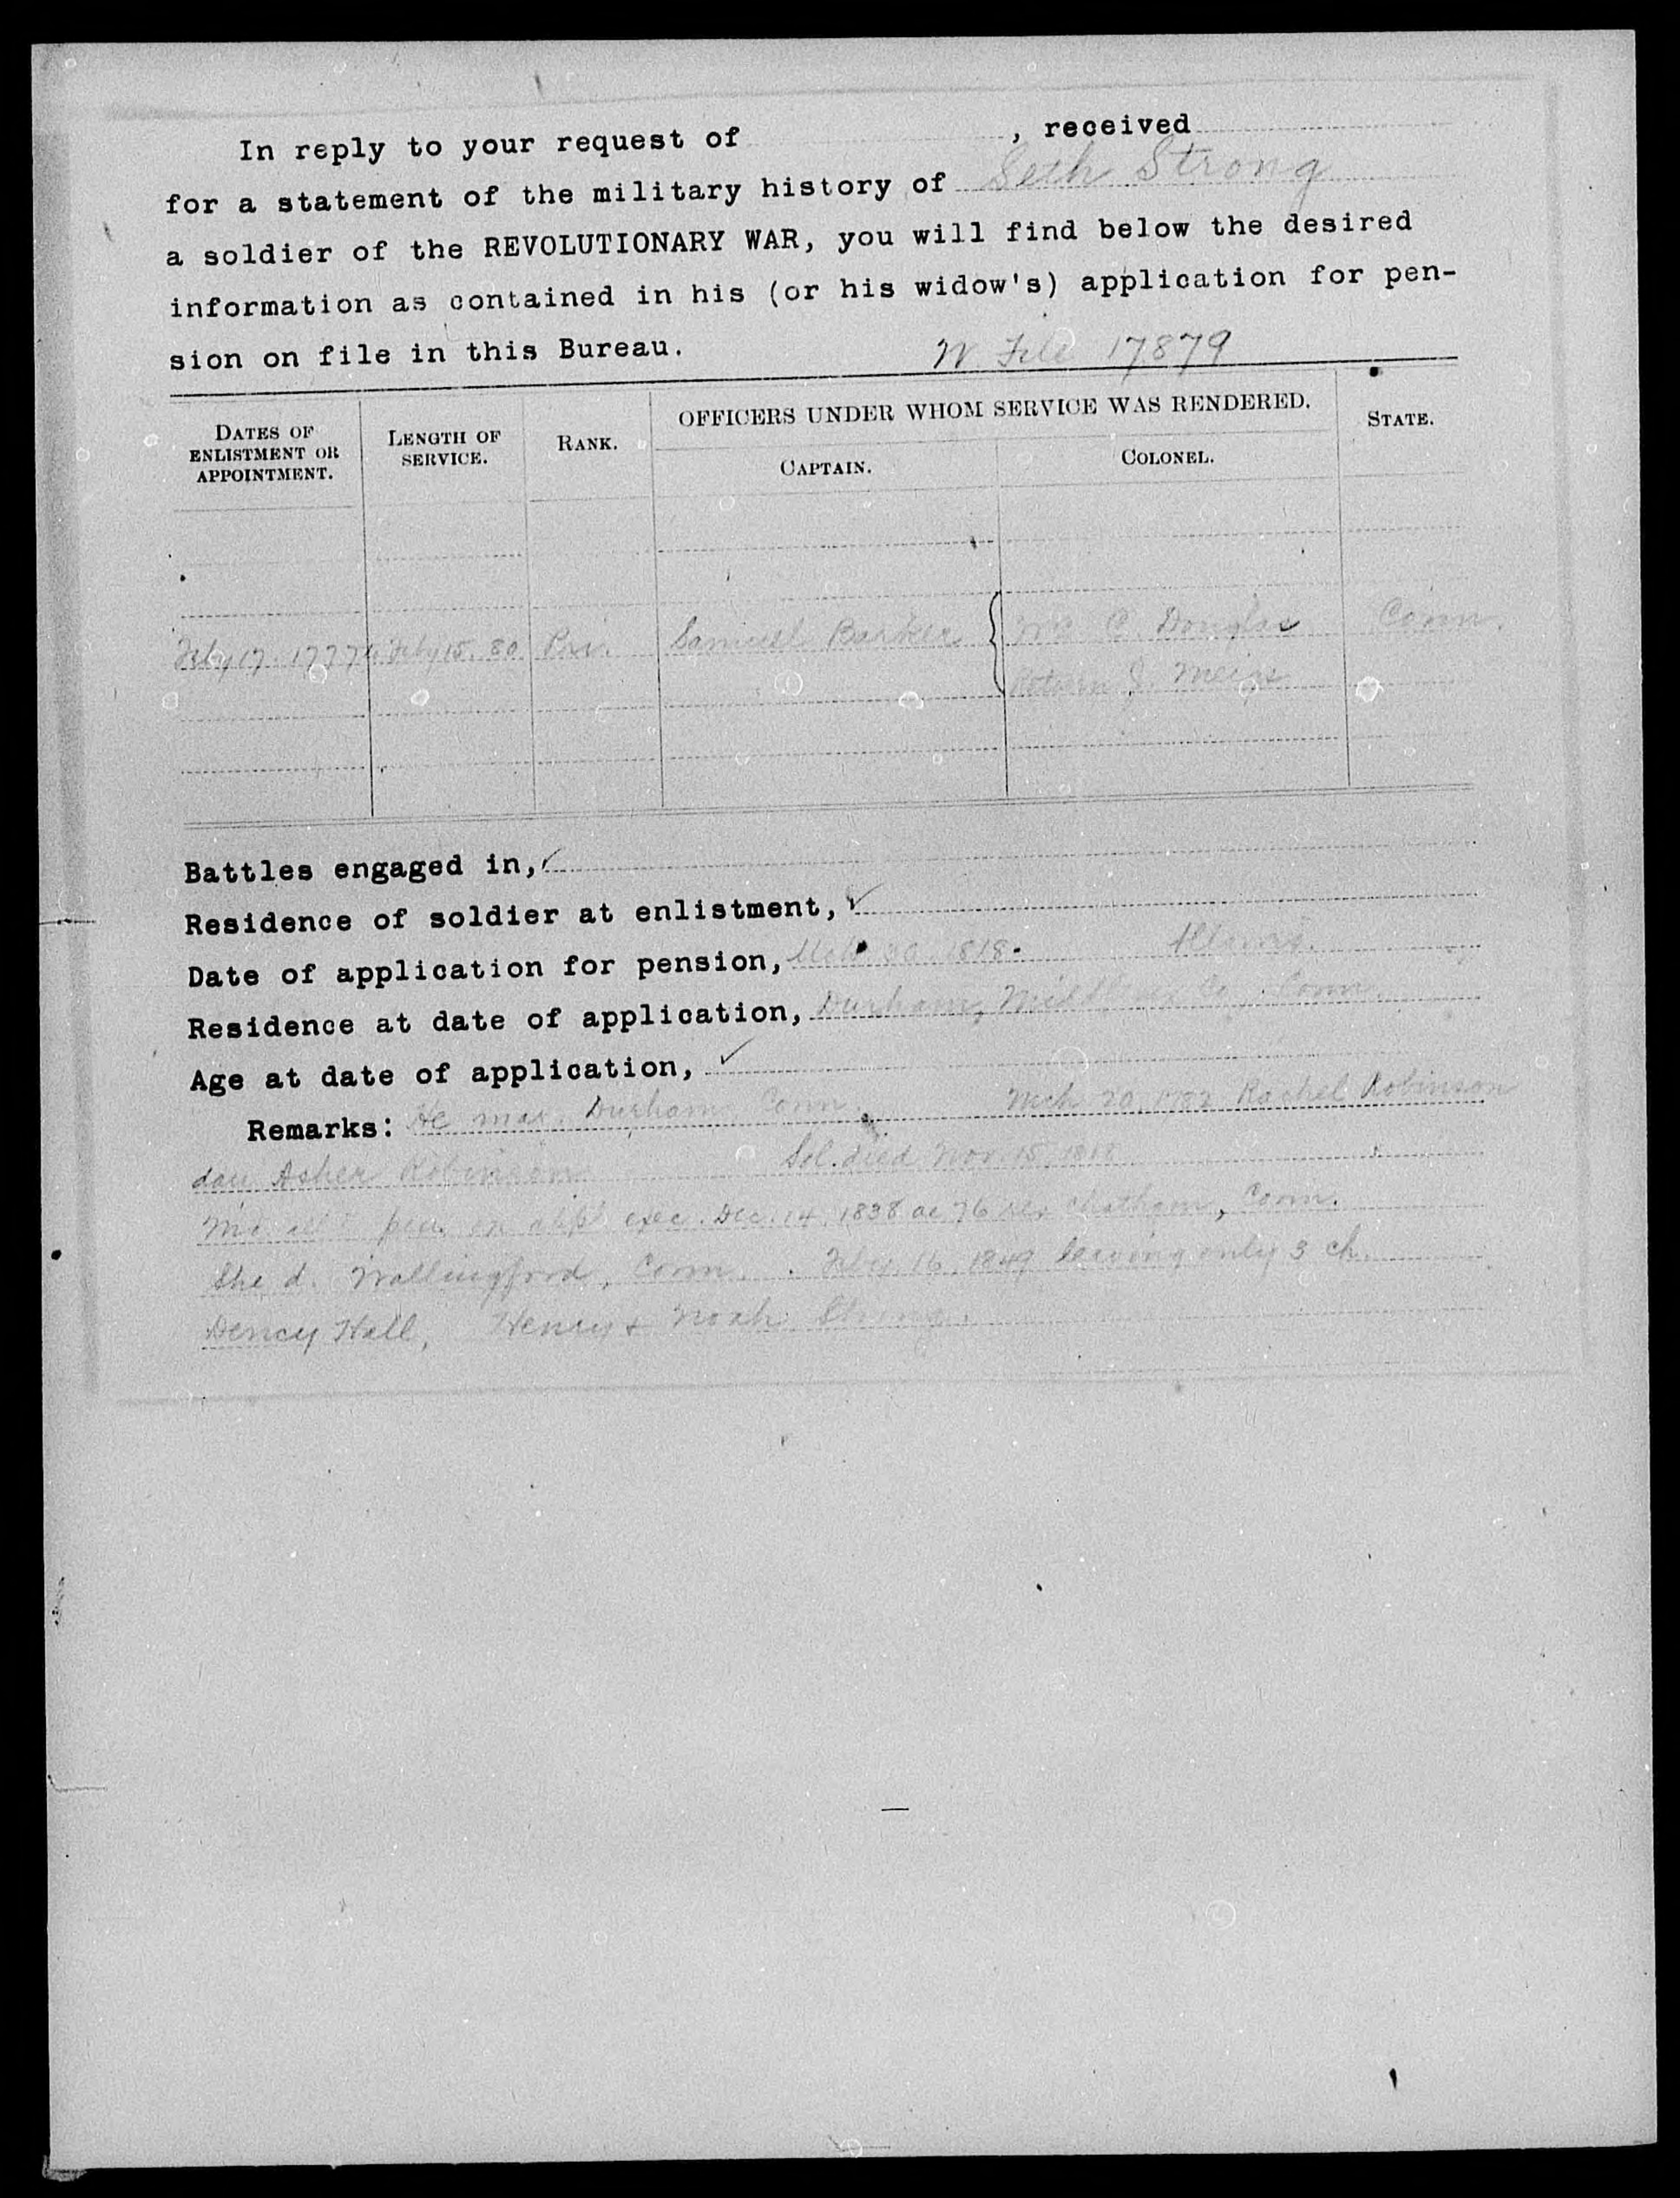In reply to your request of __, received __ for a statement of the military history of Seth Strong a soldier of the REVOLUTIONARY WAR, you will find below the desired information as contained in his (or his widow's) application for pension on file in this Bureau.  W. File 17879

[Table column headers are:]
DATES OF ENLISTMENT OR APPOINTMENT. | LENGTH OF SERVICE. | RANK. | OFFICERS UNDER WHOM SERVICE WAS RENDERED. | CAPTAIN. | COLONEL. | STATE.

Feby 17 1777
Feby 15, 80
Pri.
Samuel Barker
Wm C Douglas
Return J Meigs
Conn.

Battles engaged in,

Residence of soldier at enlistment,

Date of application for pension, Mch 30, 1818. [Illegible]

Residence at date of application, Durham, Middlesex Co., Conn

Age at date of application,

Remarks: He mar. Durham, Conn. Mch 20, 1782 Rachel Robinson 
dau Asher Robinson  Sol. died Nov. 15, 1818
[Illegible] pen. on appl exec. Dec. 14, 1838 ac 76 res. Chatham, Conn.
She d. Wallingford, Conn. Feby. 16, 1849 leaving only 3 ch.
Dency Hall, Henry & Noah Strong.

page: 18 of 47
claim: widow's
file: W. 17879, for Seth Strong, Connecticut